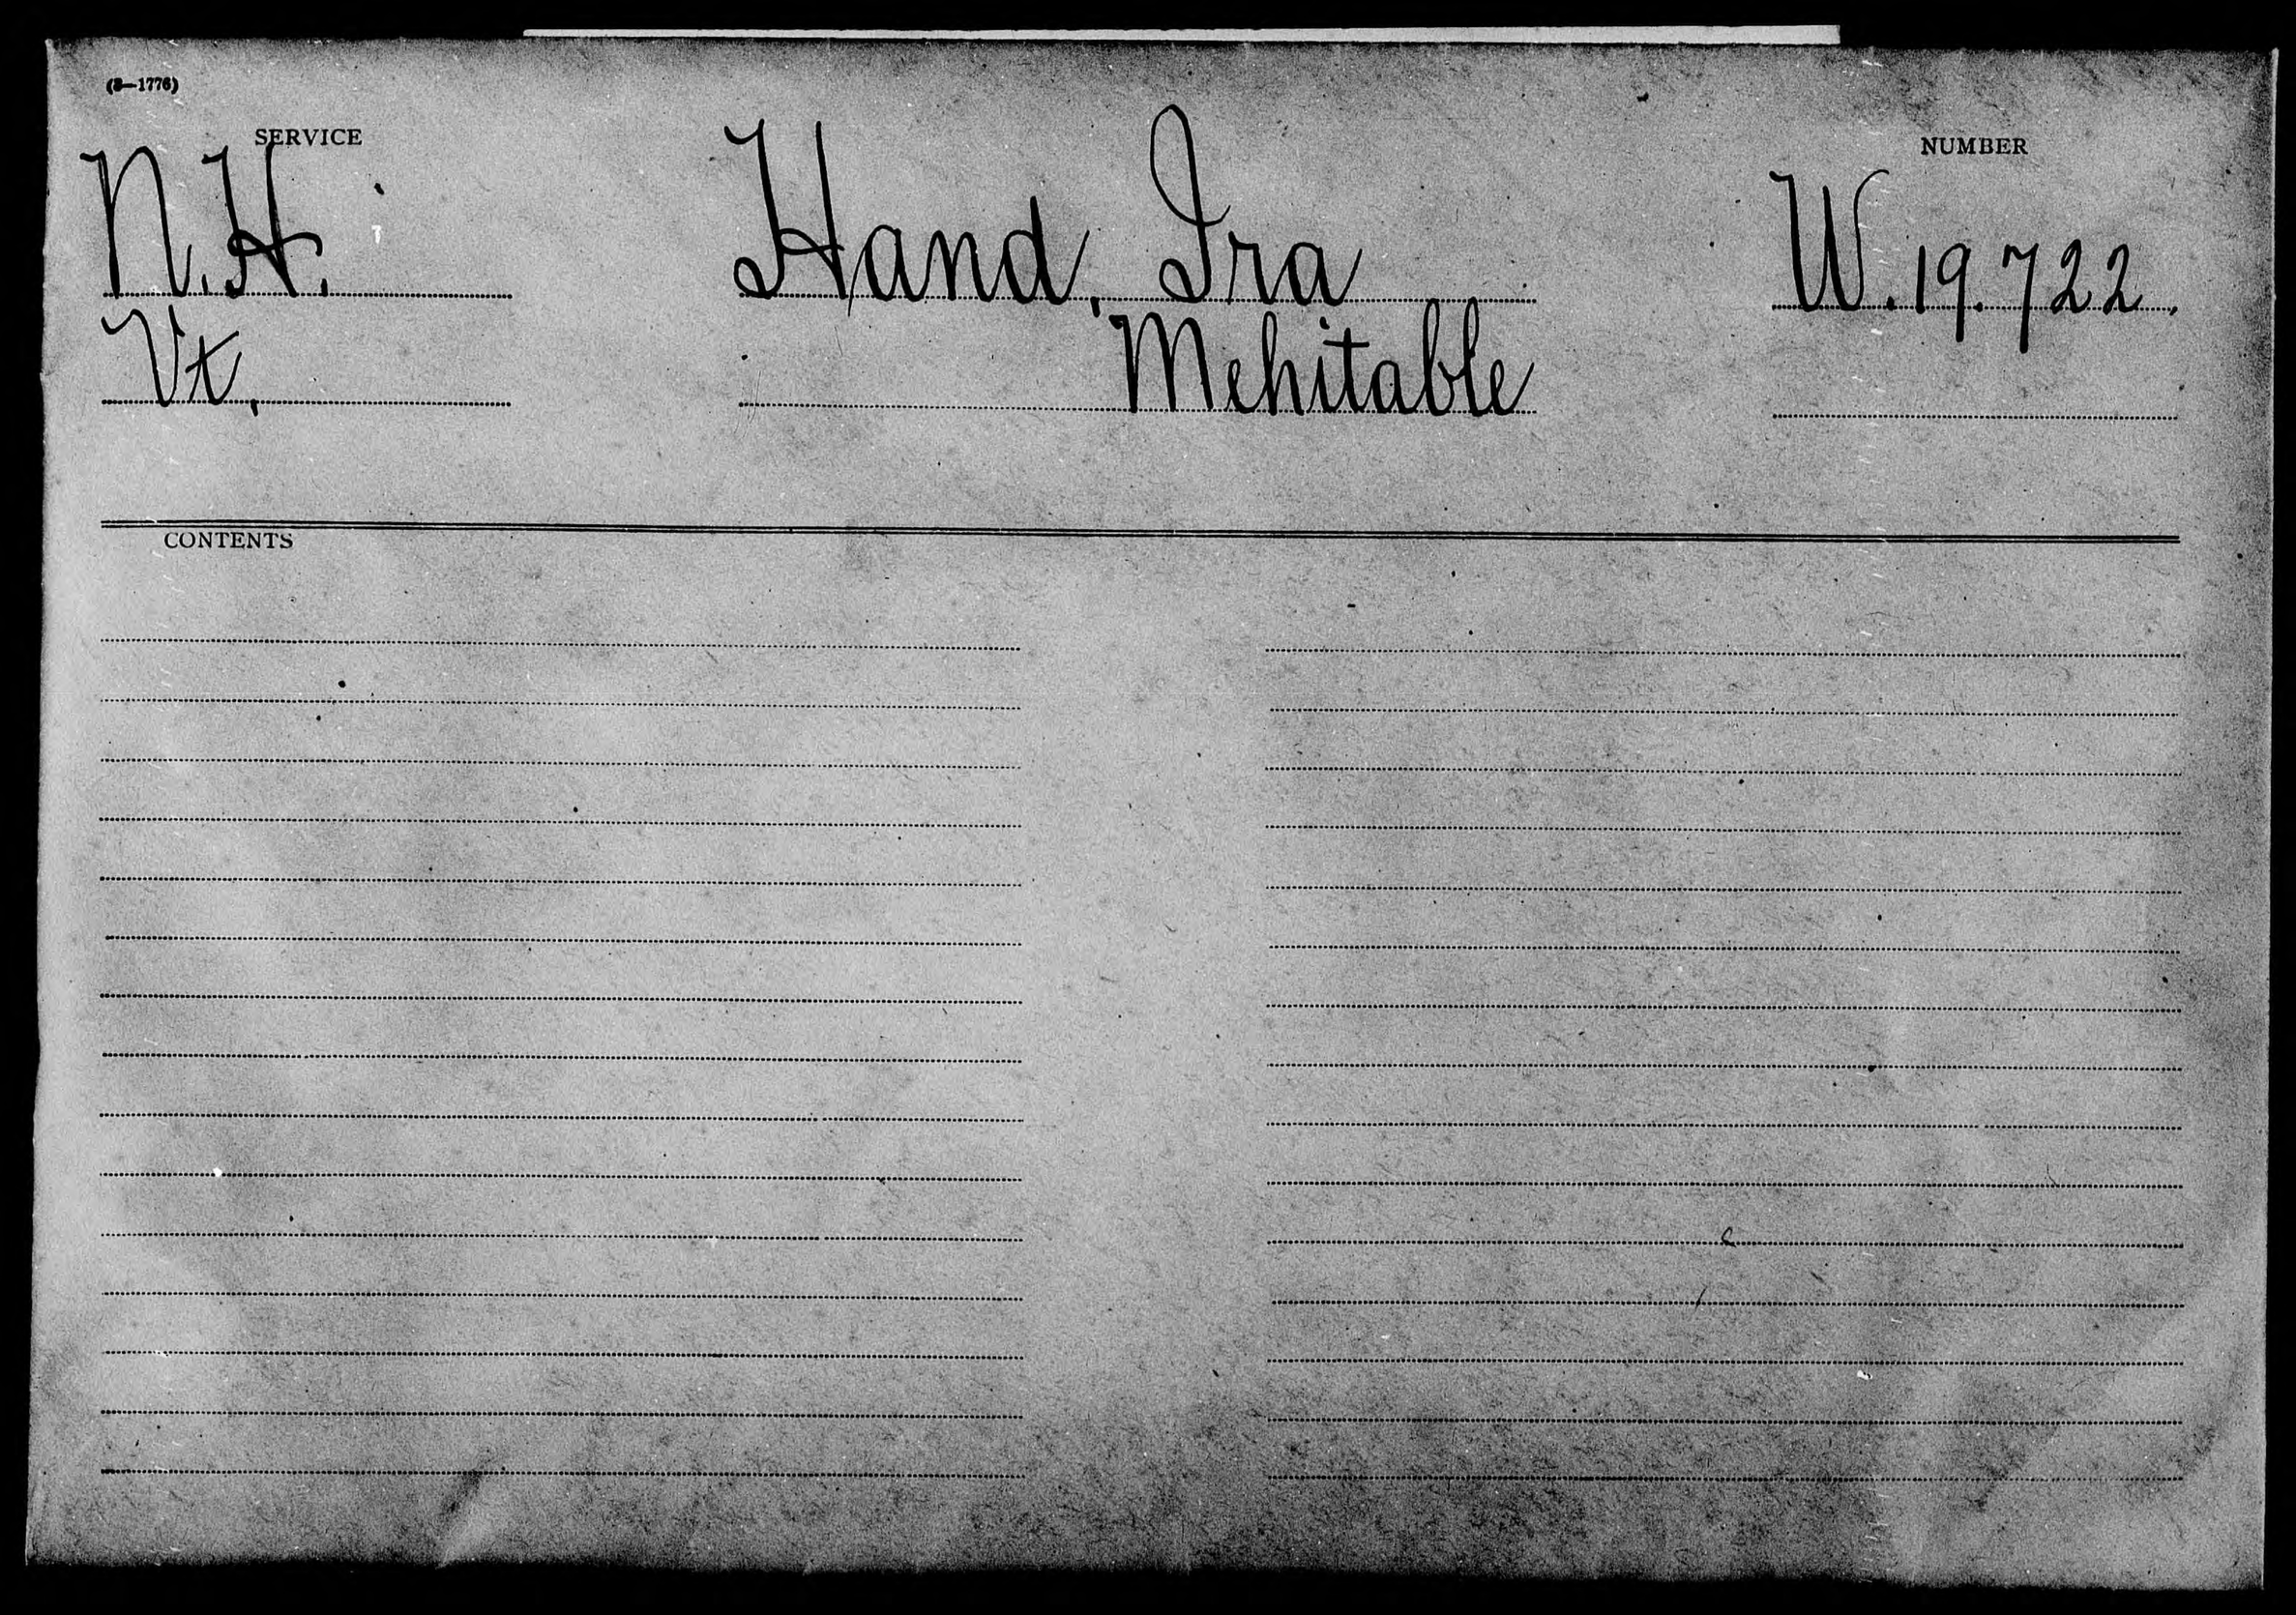SERVICE
N. H.
Vt.

Hand, Ira
Mehitable

NUMBER
W. 19.722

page: 1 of 42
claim: widow's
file: W. 19,722, Ira Hand, N.H. Vt.